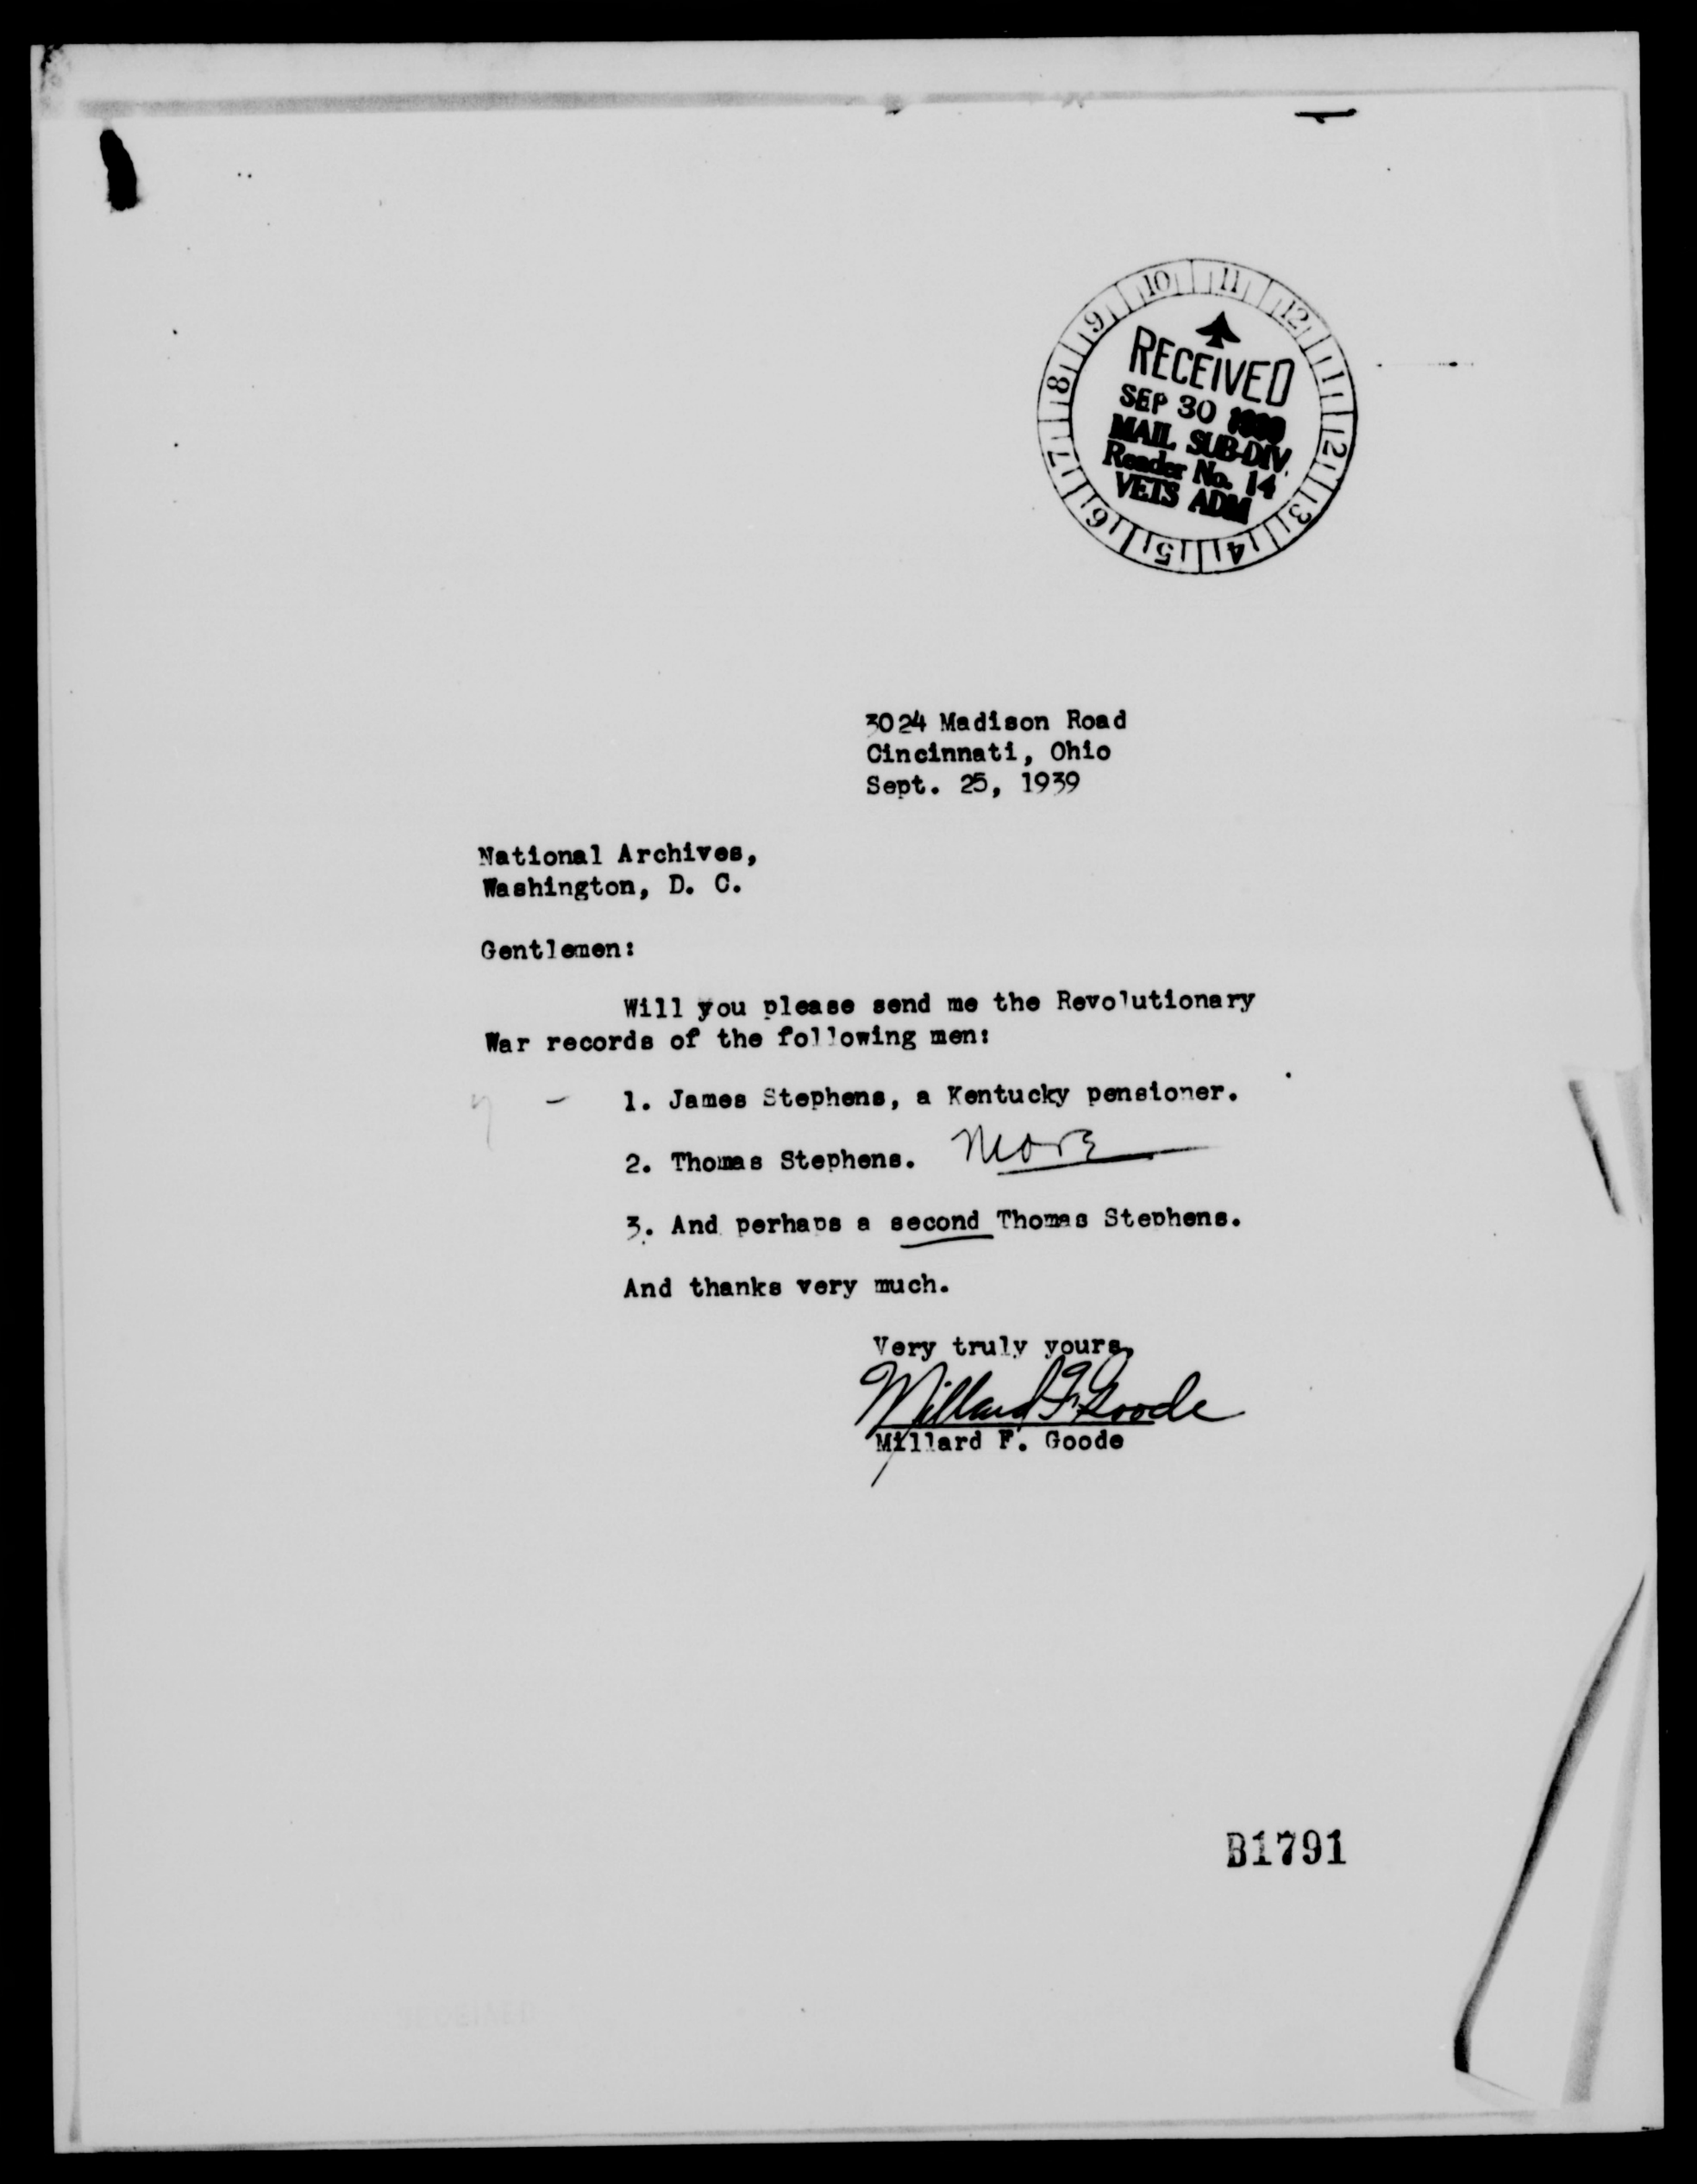RECEIVED
Sep 30 1939
MAIL SUB-DIV.
Reader No. 14
VETS ADM

3024 Madison Road
Cincinnati, Ohio
Sept. 25, 1939

National Archives,
Washington, D. C.

Gentlemen:

Will you please send me the Revolutionary War
records of the following men:
1. James Stephens, a Kentucky pensioner.
2. Thomas Stephens. 
3. And perhaps a second Thomas Stephens.
And thanks very much.
Very truly yours
Willard F. Goode
B1791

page: 37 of 99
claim: widow's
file: W 8766, for James Stevens, Virginia